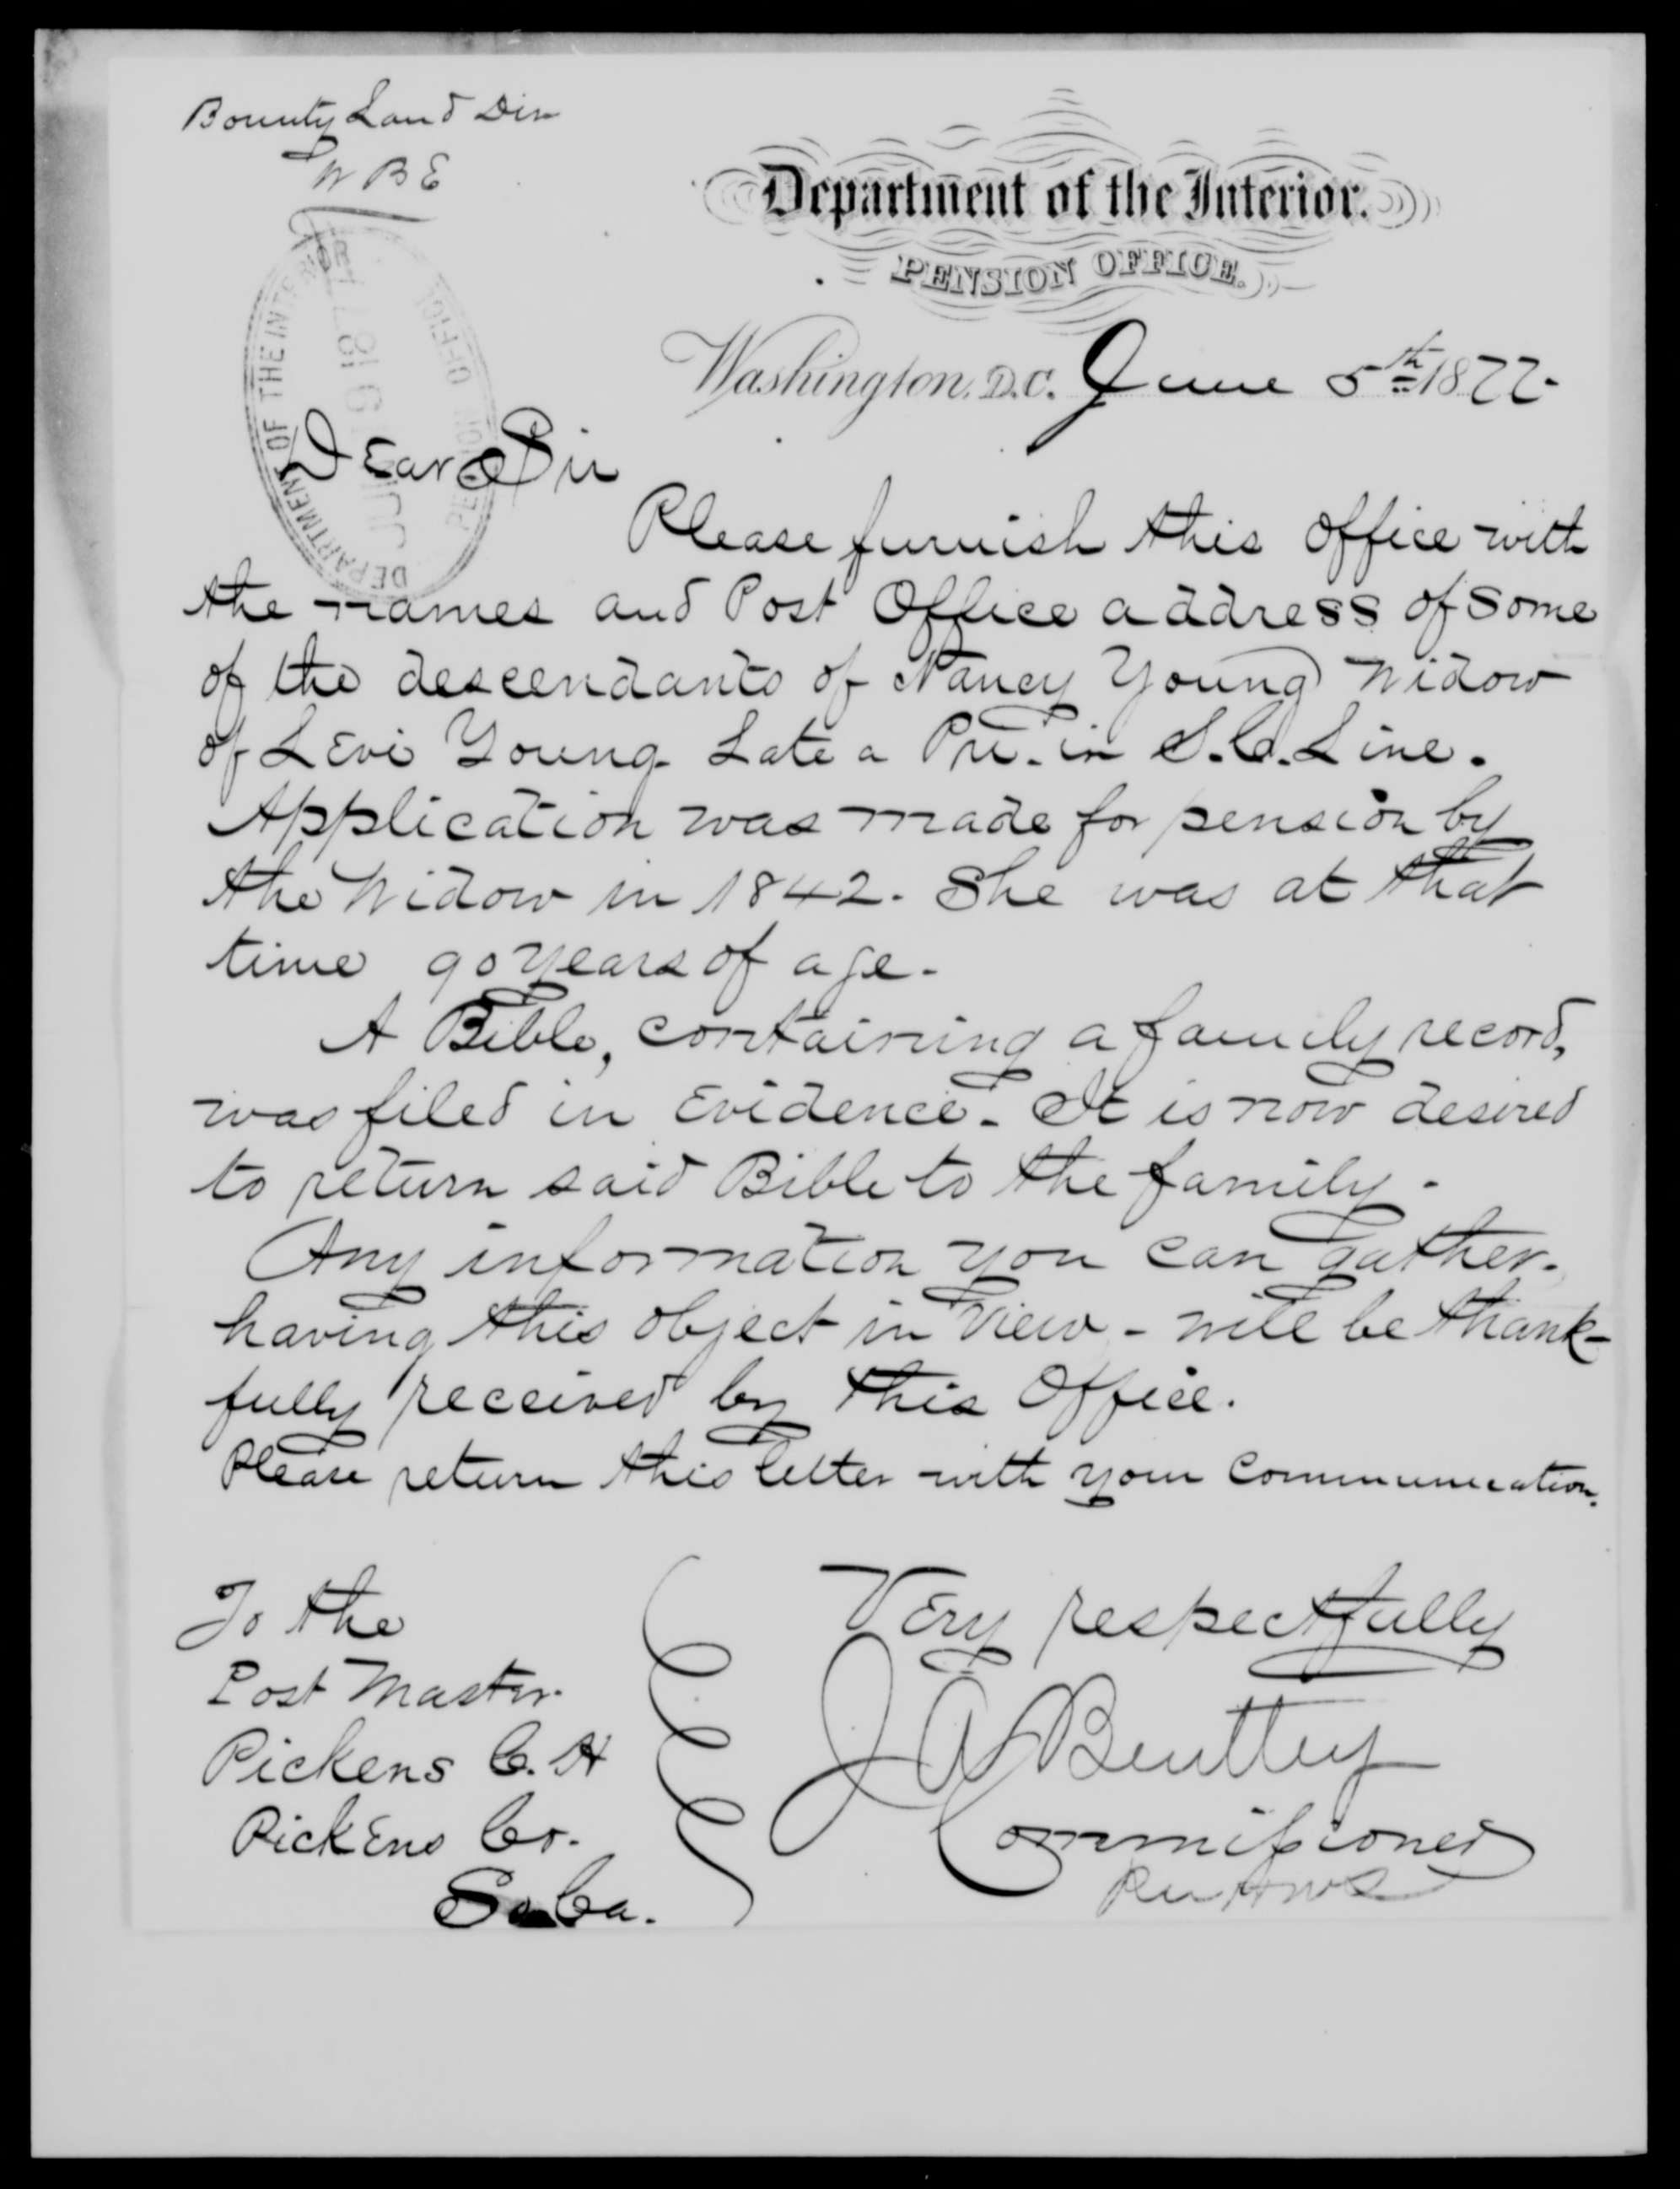Bounty Land Div [Division]
W B E
Official Stamp/Seal
DEPARTMENT OF THE INTERIOR
JUN 19 1877
PENSION OFFICE

Department of the Interior.
PENSION OFFICE.
Washington, D.C. June 5th 1877

Dear Sir

     Please furnish this office with
the names and Post office address of some
of the descendants of Nancy Young widow
of Levi Young Late a Priv. [Private] in the S.C. [South Carolina] Line.
Application was made for pension by
the widow in 1842.  She was at that 
time 90 years of age.

     A Bible, containing a family record,
was filed in Evidence.  It is now desired
to return said Bible to the family.

     Any information you can gather -
having this object in view - will be thank-
fully received by this Office.

     Please return this letter with your communication.
To the   
Post Master
Pickens C.H [Court House]
Pickens Co. 
So. Ca. [South Carolina]

Very Respectfully
J [John] A Bentley
Commissioner
Pensions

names: Nancy Young, Levi Young, J A Bentley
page: 35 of 56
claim: widow's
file: W. 9040, Levi Young, Ga. New Jersey S.C.